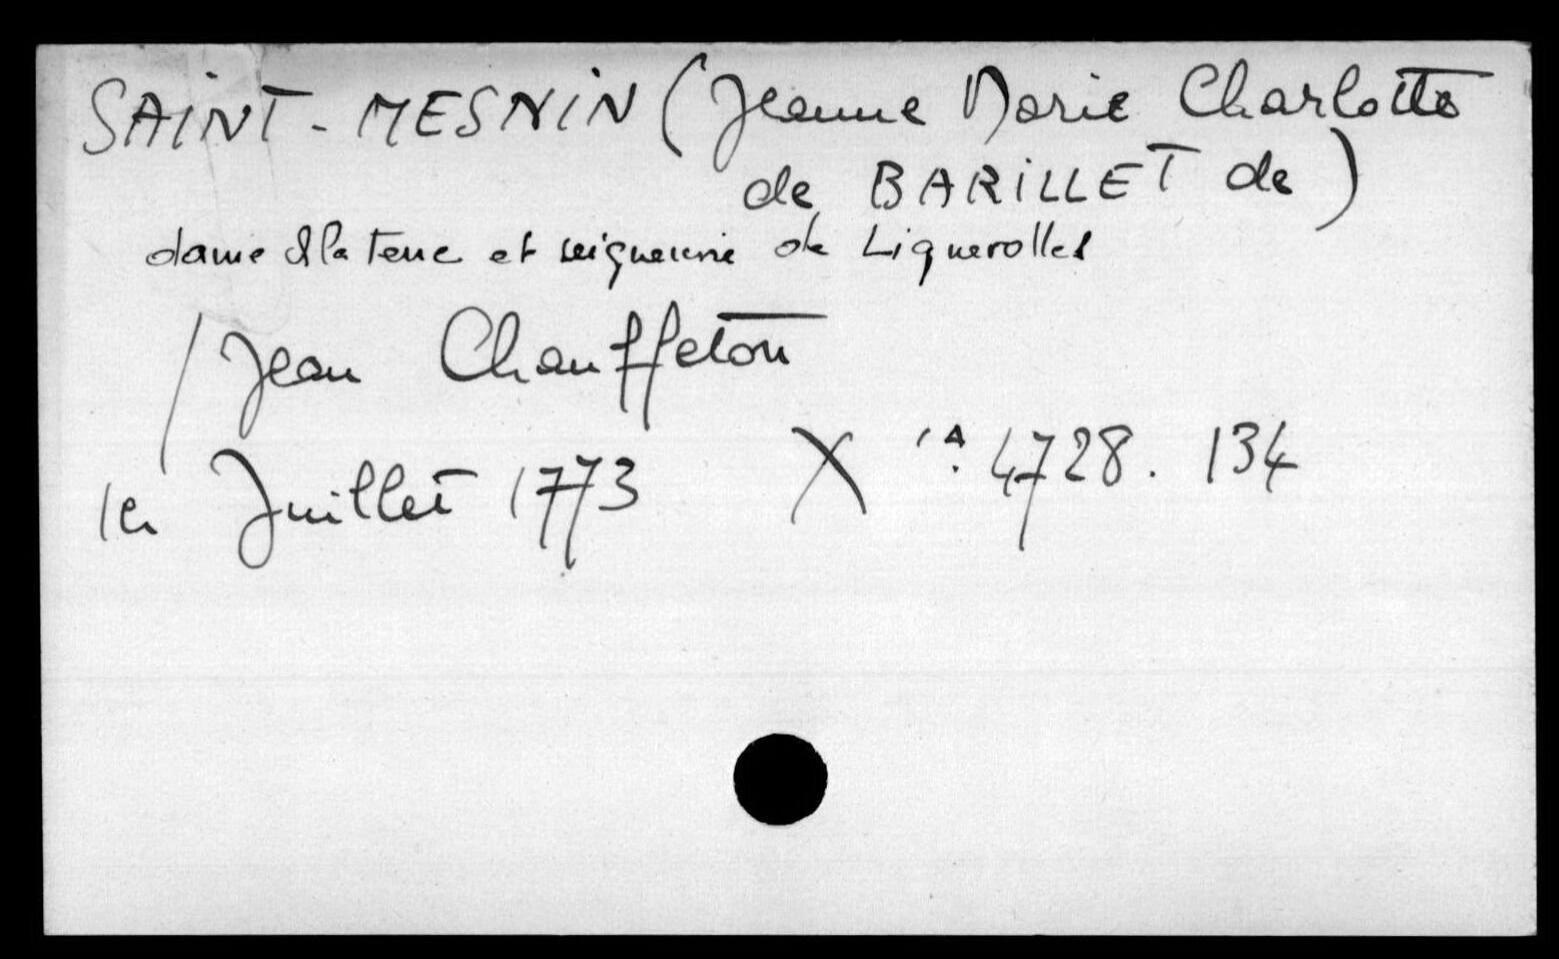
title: SAINT-MESNIN (Jeanne Marie Charlotte de BARILLET de) dame de la terre et seigneurie de Liquerolles
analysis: Contre Jean Chauffeton
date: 1 juillet 1773
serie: X1A
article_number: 4728
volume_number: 134
